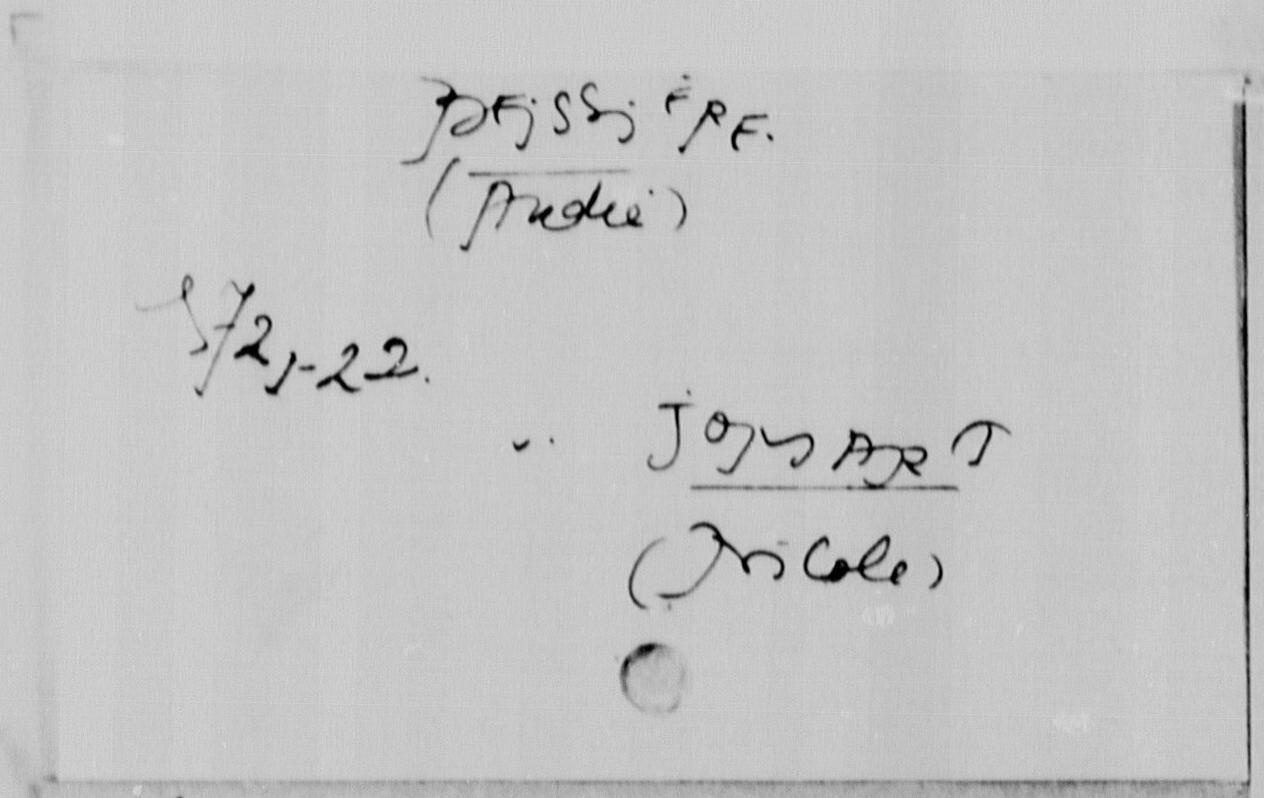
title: BEISSIÈRE (André)
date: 1721-1722
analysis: Voir JOMART (Nicole)
